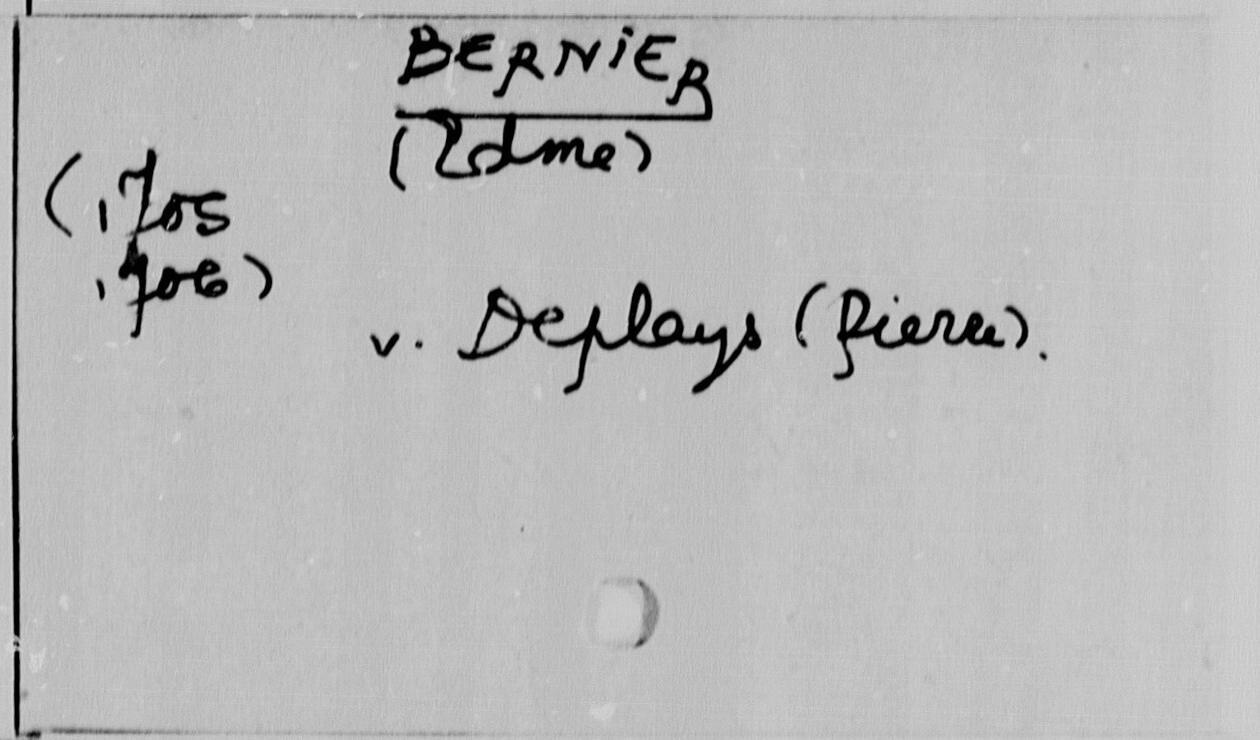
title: BERNIER (Edme)
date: (1705-1706)
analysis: Voir Deplays (Pierre)
